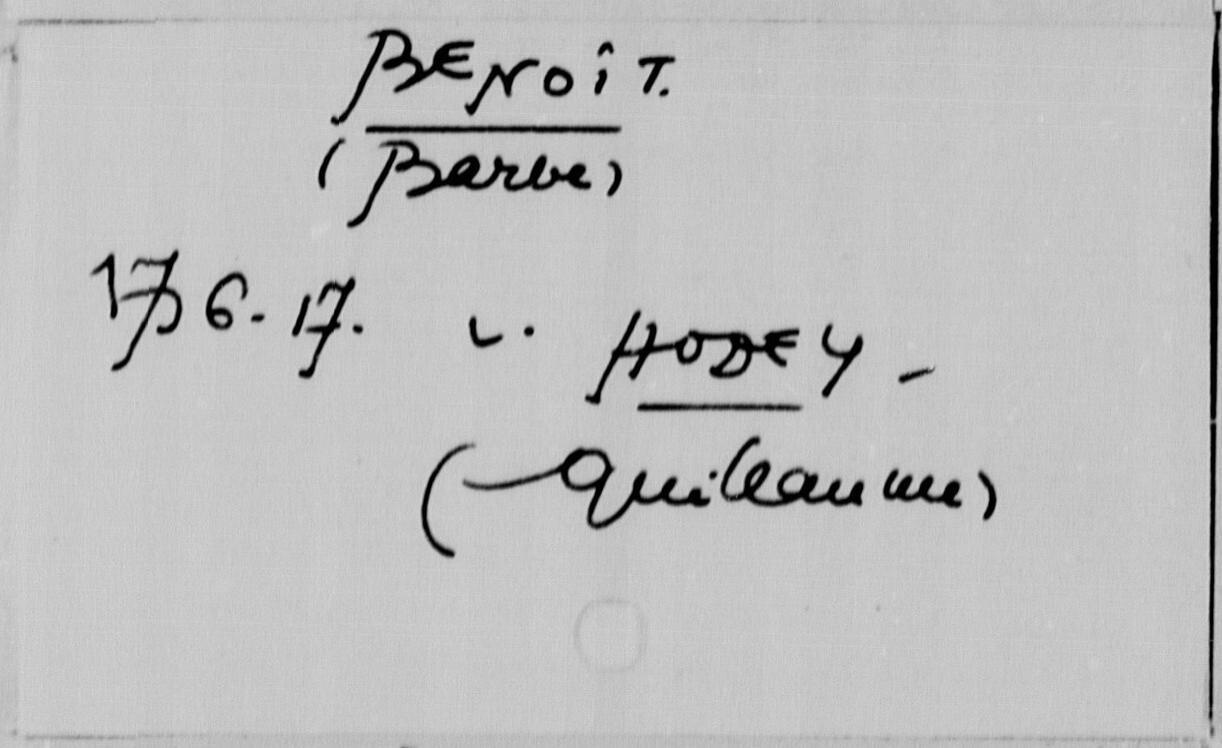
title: BENOIT (Barbe)
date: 1716-1717
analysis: Voir : HODEY (Guillaume)
